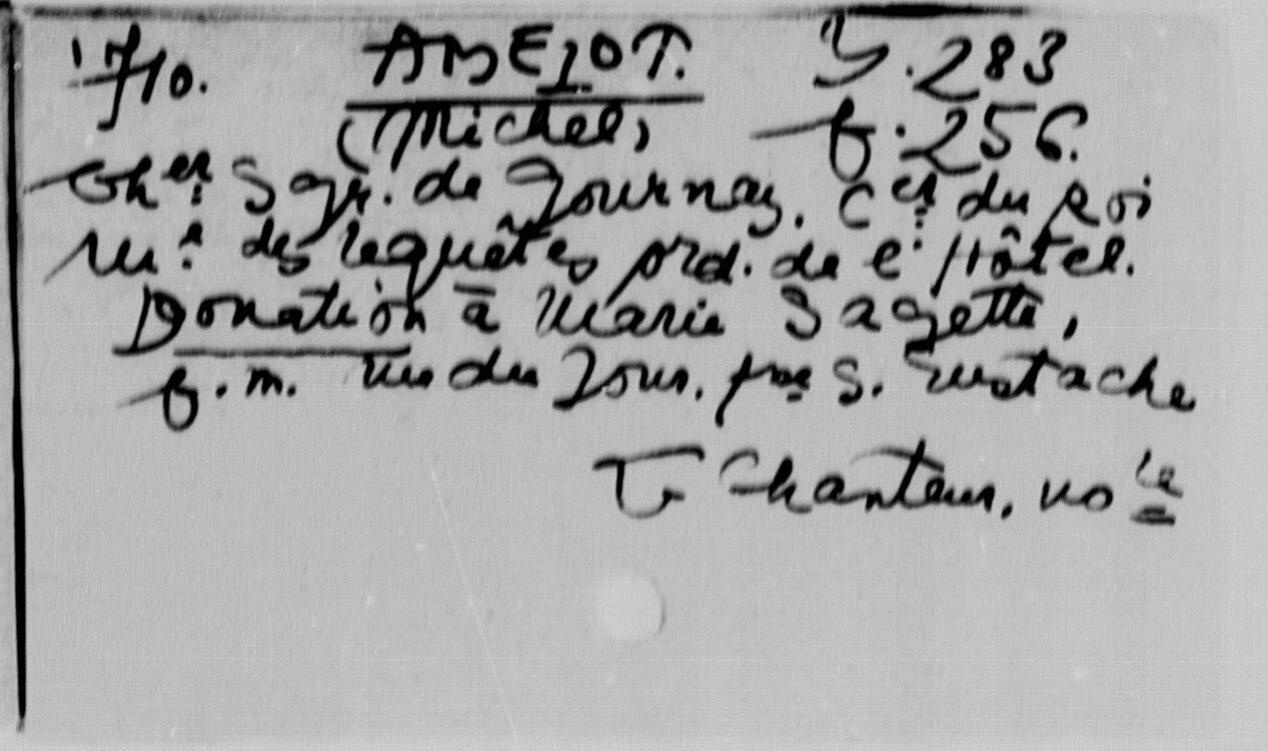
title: AMELOT (Michel)
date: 1710
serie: Y
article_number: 283
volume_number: folio 256
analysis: Chevalier seigneur de Gournay, conseiller du roi, maître des requêtes ordinaires de l'Hôtel Donation à Marie Sagette, fille majeure, rue du Jour, paroisse Saint Eustache Le Chanteur, notaire
